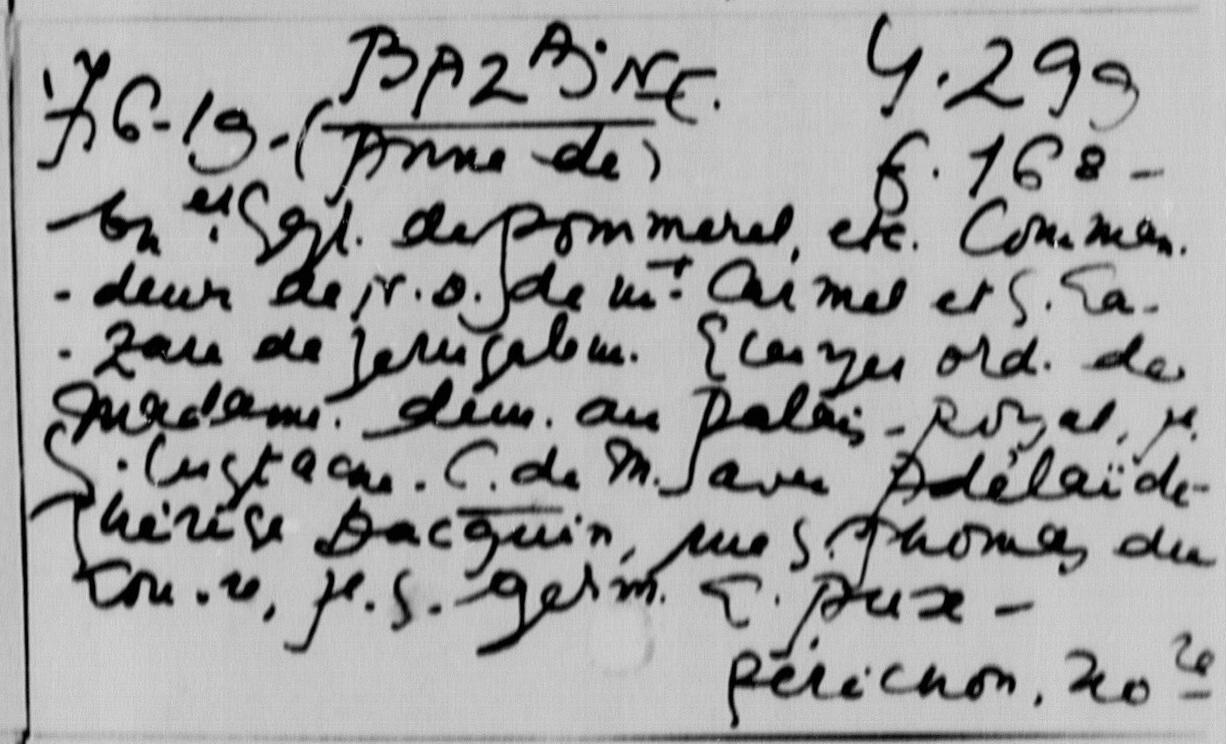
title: BAZAINE (Anne de)
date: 1716-1719
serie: Y
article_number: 299
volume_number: folio 168
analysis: chevalier, seigneur de Pommerel, etc.. commandeur de Notre-Dame du Mont-Carmel et Saint-Lazare de Jerusalem. Écuyer ordinaire de Madame, demeurant au Palais-Royal, paroisse Saint-Eustache. Contrat de mariage avec Adélaide Thèrèse Dacquin, rue Saint-Thomas du Louvre, paroisse Saint-Germain-l'Auxerrois. Périchon, notaire.
